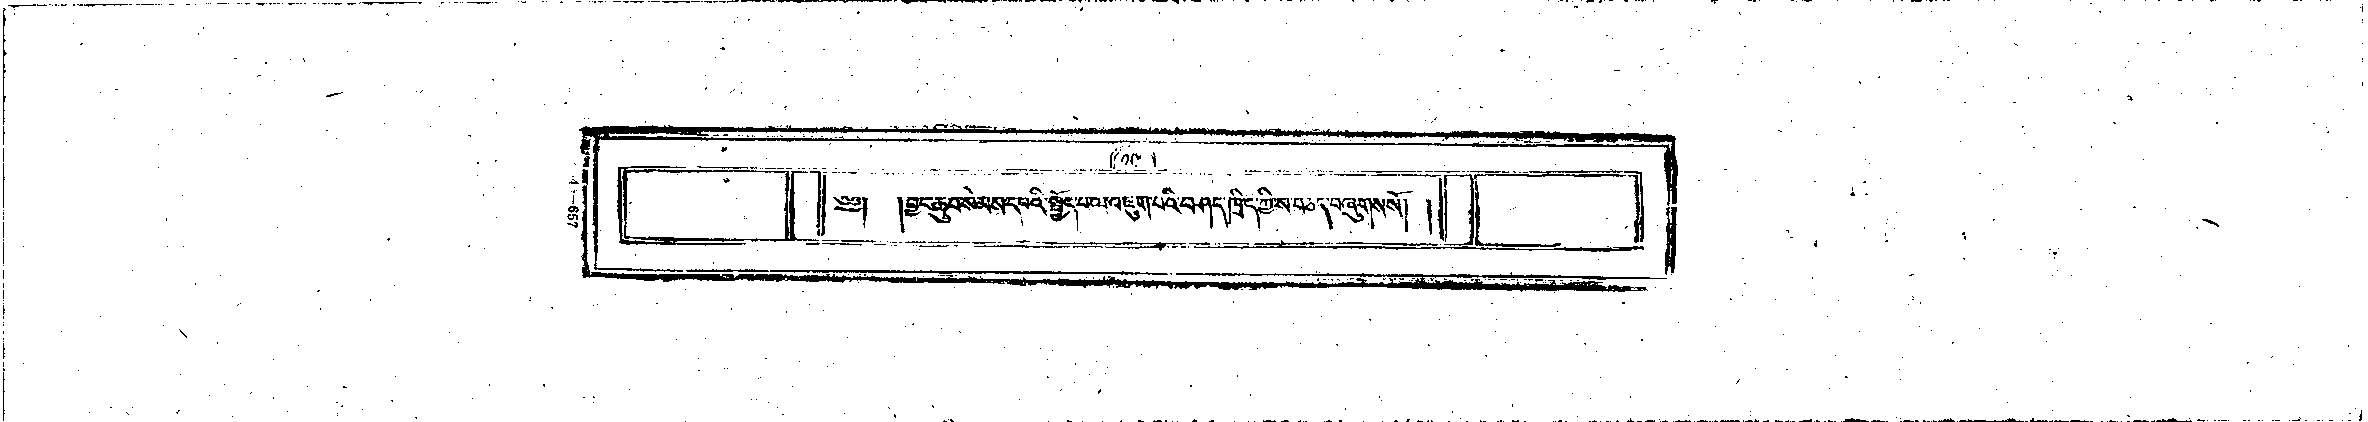༄༅། །བྱང་ཆུབ་སེམས་དཔའི་སྤྱོད་པ་ལ་འཇུག་པའི་བཤད་ཁྲིད་ཀྱིས་བཅད་བཞུགས་སོ། །